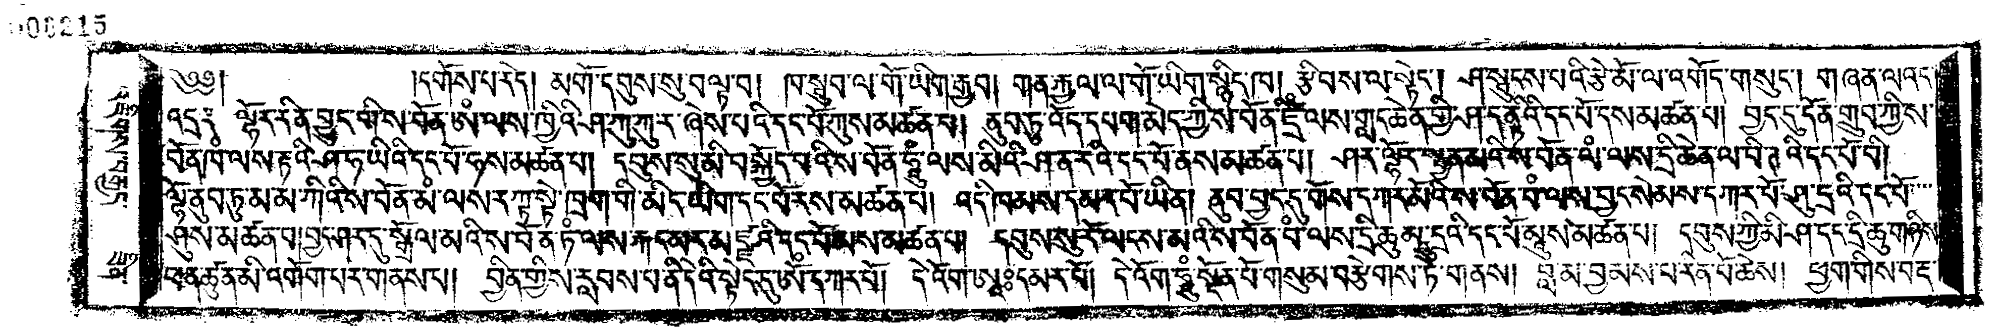༄༅། །དགོས་པ་རེད། མགོ་དབུས་སུ་བལྟ་བ། ཁ་སྦུབ་ལ་གོ་ཡིག་རྒྱབ། གན་རྐྱལ་ལ་གོ་ཡིག་སྙིང་ཁ། རྩིབས་ལ་སྟེང་། ཤ་སྤུངས་པའི་རྩེ་མོ་ལ་འགོད་གསུང་། གཞན་ལའང་
འདྲ༑ ལྷོར་རིན་བྱུང་གི་ས་བོན་ཨཾ་ལས་ཁྱིའི་ཤ་ཀུ་ཀུ་ར་ཞེས་པའི་དང་པོ་ཀུས་མཚན་པ། ནུབ་ཏུ་འོད་དཔག་མེད་ཀྱི་ས་བོན་ཛྲིཾ་ལས་གླང་ཆེན་གྱི་ཤ་དནྟིའི་དང་པོ་དས་མཚན་པ། བྱང་དུ་དོན་གྲུབ་ཀྱི་ས་
བོན་ཁཾ་ལས་རྟའི་ཤ་ཧ་ཡིའི་དང་པོ་ཧས་མཚན་པ། དབུས་སུ་མི་བསྐྱོད་པའི་ས་བོན་ཧཱུཾ་ལས་མིའི་ཤ་ན་རའི་དང་པོ་ནས་མཚན་པ། ཤར་ལྷོར་སྤྱན་མའི་ས་བོན་ལཾ་ལས་དྲི་ཆེན་ལ་བི་ཊའི་དང་པོ་བི།
ལྷོ་ནུབ་ཏུ་མ་མ་ཀིའི་ས་བོན་མཾ་ལས་རཀྟ་སྟེ་ཁྲག་གི་མིང་ཡིག་དང་པོ་རས་མཚན་པ། འདི་ཁམས་དམར་པོ་ཡིན། ནུབ་བྱང་དུ་གོས་དཀར་མོའི་ས་བོན་བཾ་ལས་བྱང་སེམས་དཀར་པོ་ཤུ་དྲའི་དང་པོ་
ཤུས་མཚན་པ། བྱང་ཤར་དུ་སྒྲོལ་མའི་ས་བོན་ཏཾ་ལས་རྐང་མར་མཛྫའི་དང་པོ་མས་མཚན་པ། དབུས་སུ་རོ་ལངས་མའི་ས་བོན་བཾ་ལས་དྲི་ཆུ་མཱུ་དྲའི་དང་པོ་མཱུས་མཚན་པ། དབུས་ཀྱི་མི་ཤ་དང་དྲི་ཆུ་གཉིས་
ཕན་ཚུན་མི་འགོག་པར་གནས་པ། བྱིན་གྱིས་རླབས་པ་ནི་དེའི་སྟེང་དུ་ཨོཾ་དཀར་པོ། དེ་འོག་ཨཱཿ དམར་པོ། དེ་འོག་ཧཱུཾ་སྔོན་པོ་གསུམ་བརྩེགས་ཏེ་གནས། བླ་མ་བྱམས་པ་རིན་པོ་ཆེས། ཕྱག་གིས་བརྡ་